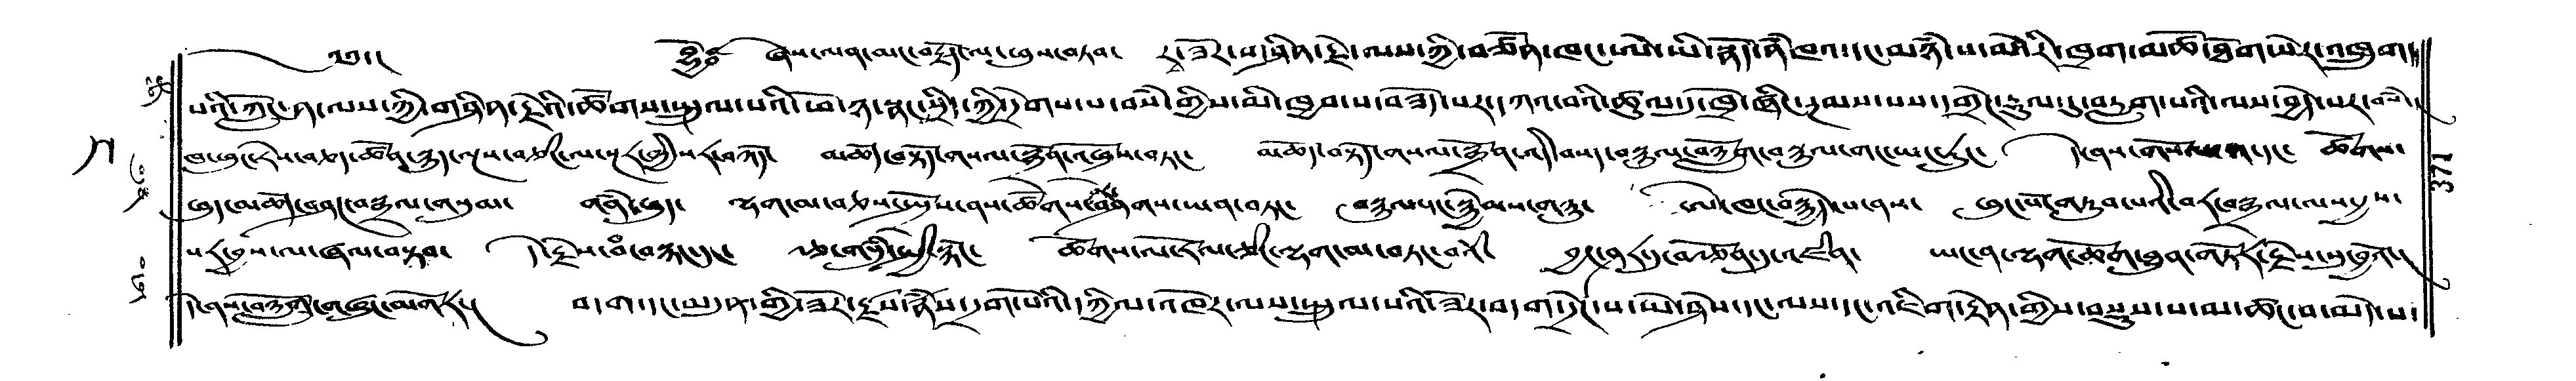བྷྱོ༔ ཞེས་ལན་མང་བརྗོད་ལ་ཕུས་གདབ། རྭ་ཟོར་གཤིན་རྗེ་ལས་ཀྱི་བཙོན་ཁང་ཨེ་ཡི་སྣོད་ནམ་མཁའ་དང་མཉམ་པ་མེ་རི་ཁྲག་མཚོ་ཐོག་སེར་འཁྲུགས་
པའི་ཀློང་ན་ལས་ཀྱི་གཤིན་རྗེའི་ཚོགས་སྤྲུལ་པའི་ཕོ་ཉ་སྣང་སྲིད་ཀྱི་དྲེགས་པ་བསམ་གྱིས་མི་ཁྱབ་པ་བཟོད་པར་དཀའ་བའི་ཚུལ་དུ་ཁྲོ་ཞིང་རྔམས་པས་དགྲ་བགེགས་རྡུལ་དུ་རློག་པའི་ལས་བྱེད་པར་བསམ། 
ཁ་ཕུང་རེས་བཅད་ཚོན་སྐུད་ལྔས་བཅིངས་ལ་སྔར་གྱི་སར་དགོད། མཆོད་བསྟོད་གསལ་སྒྲོན་འཕྲོས་གཏང་། མཆོད་བསྟོད་གསལ་སྒྲོན་འདི་བསད་བསྐུལ་བཟློག་བསྐུལ་གང་ཡང་རུང་། དེ་ནས་གསོལ་ཀ་དང་། ཚོགས་
ཕུད་མཆོད་བཤགས་བསྒྲལ་གསུམ། གནམ་ཕུད། ལྷག་མ་བཅས་སྤྲོས་ནས་ཚོགས་བར་བཤགས་ཡན་བཏང་། བསྐུལ་དང་སྐྱེམས་གཟུ། ཨེ་ཁང་སྐྱེད་པ་ནས། ཕུང་པོ་གཏུབ་པའི་བར་བསྒྲལ་ལས་རྒྱས་
པར་བྱས་ལ་ཞལ་བསྟབ། དེ་རྗེས་བམ་བསྐང་དང་། རྩ་གསུམ་སྤྱི་སྐོང་། ཚོགས་ལ་རོལ་ཅིང་ལྷག་མ་བཏང་བའམ། བྱང་ཤར་དུ་བརྩོན་དུ་འཛིན། ཡང་ན་ལྷག་ཆོག་ཐུན་གཏོར་རྗེས་སུ་བྱའོ། 
དེ་ནས་བཟློག་གཞུང་མགོར། བདག་དང་མདུན་གྱི་ཟོར་རྫས་རྣམས་དྲག་པོའི་དཀྱིལ་འཁོར་ལས་སྤྲུལ་པའི་ཟོར་བདག་དྲེགས་པ་ཡེ་ཤེས་དང་ལས་དང་འཇིག་རྟེན་གྱིས་བསྡུས་པ་མ་ཚང་བ་མེད་པ་